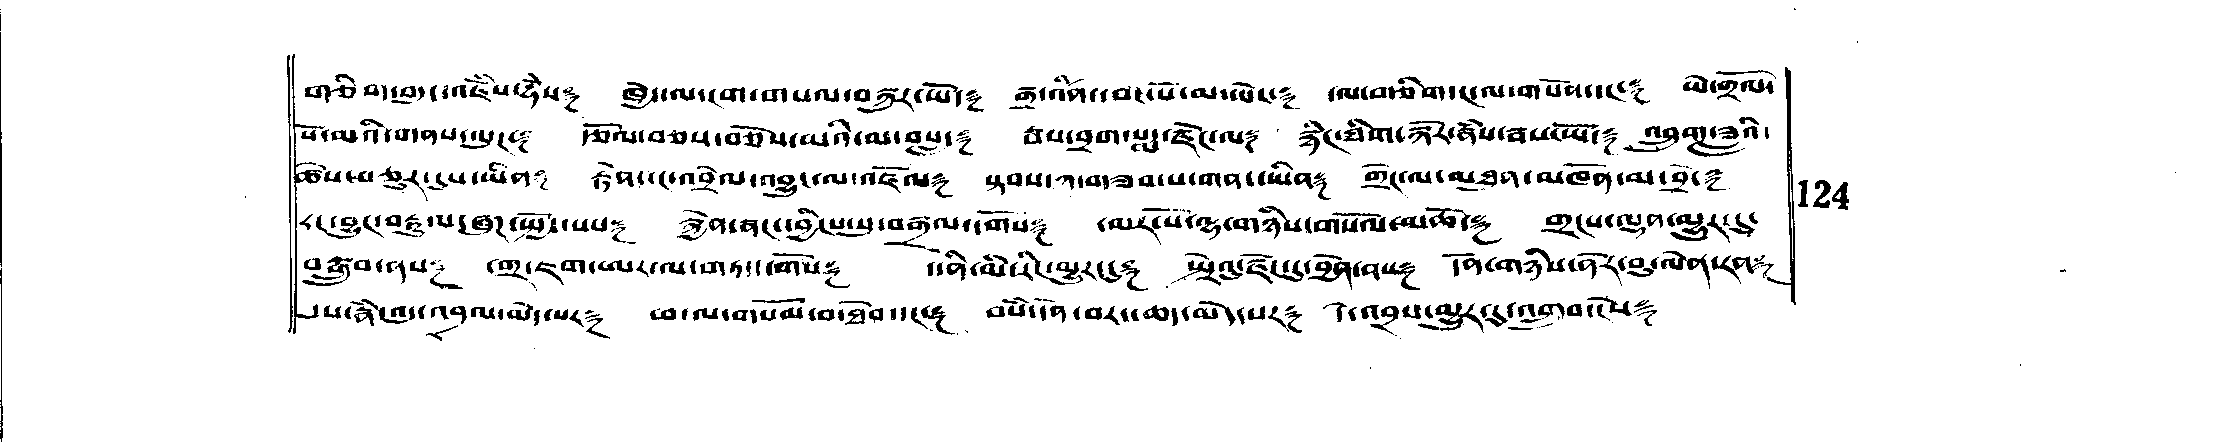གཅིག་བདུད་འཇོམས་རྡོ་རྗེས། ཁྱེད་ལ་ངག་གསལ་བསྐུར་ཡོད། །སྒྲ་འཛིན་དབང་པོ་མ་ཡེང་། །དལ་གཅིག་ང་ལ་གསོན་དང་། །ཡེ་གྲོལ་
སོ་མའི་གནས་ལུགས། །རྩོལ་བཅས་བཅོས་མའི་མ་བསླད། །སྦས་བྲག་པདྨ་རྫོང་ལ། །སྙིང་ཐིག་སྐོར་རྣམས་སྦས་ཡོད། །འབྲུག་ཟླའི་
ཚེས་བཅུར་དུས་ཡིན། །རྟེན་དང་འབྲེལ་འབྱུང་མ་འཛོལ། །སྟབས་ཀ་གཟབ་པ་གནད་ཡིན། །གྲོགས་ལ་མཐུན་མཁོན་མ་བྲོ། །
རང་བྱུང་བརྟུལ་ཞུགས་སྤྱོད་པས། །རྐྱེན་སྣང་དབྱིངས་སུ་བསྒྲལ་དགོས། །དམར་པོ་ལྷ་གཉིས་གསོལ་མཆོད། །གྲངས་ལྡན་མྱུར་དུ་
བསྒྲུབ་ནས། །དགྲ་ཇག་ཨར་ལ་གཏད་དགོས། །ད་ནི་མི་རིང་མྱུར་དུ། །སྤྲེའུ་རྫོང་དུ་བྱོན་ནས། །དོན་གཉིས་ནོར་བུ་ལེན་རན། །
དུས་རྣམ་འདུ་འབྲལ་མེད་པར། །ཕ་ལ་གསོལ་བ་ཐོབ་དང་། །བསམ་དོན་བར་ཆད་མེད་པར། །དེ་འབྲས་མྱུར་དུ་འགྲུབ་ངེས།